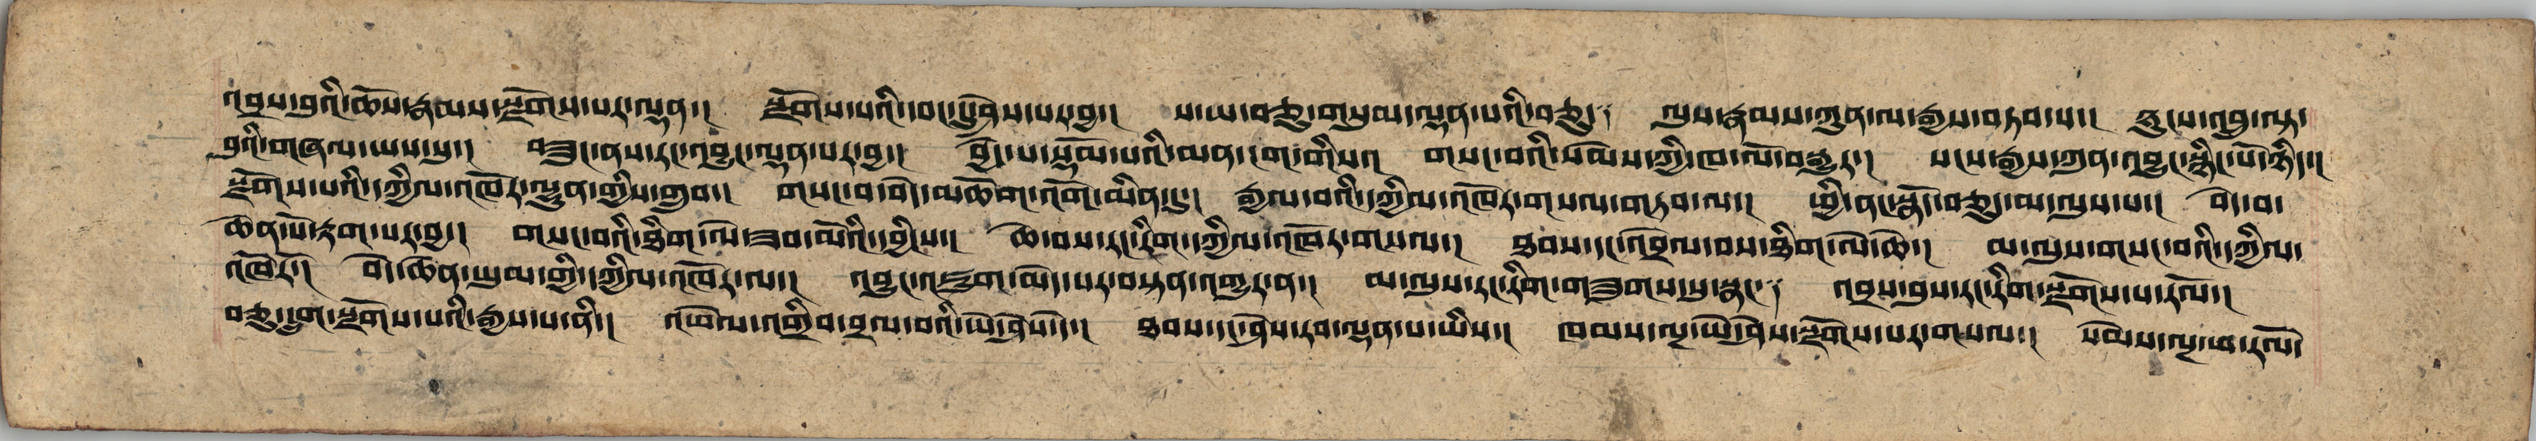འབྲས་བུའི་ཆོས་རྣམས་སྫོགས་པར་ལྡན་། སྫོགས་པའི་དབང་དུ་ཤེས་པར་བྱ་། ས་ཡ་བཅུ་གསུམ་ལྡན་པའི་བཅུ་། ལུས་རྣམས་ཀུན་ལ་རྒྱས་བཏབ་པ་། ཉུངས་འབྲུ་ལྟ་
བུའི་གཞལ་ཡས་སུ་། བཟུང་ནས་རང་འབྱུང་ལྡན་པར་བྱ་། བྱེད་པ་སྡོམ་པའི་མན་ངག་གིས་། གསང་བའི་སེམས་ཀྱི་ཁ་ལོ་བསྒྱུར་། སངས་རྒྱས་ཀུན་འབྱུང་སྙིང་པོ་ཉིད་།
སྫོགས་པའི་དཀྱིལ་འཁོར་ལྷུན་གྱིས་གྲུབ་། གསང་བ་བདེ་མཆོག་འོག་མིན་དུ་། རྒྱལ་བའི་དཀྱིལ་འཁོར་གསལ་གཏབ་ལ་། ཕྱི་ནང་སྣོད་བཅུད་མ་ལུས་པ་། བདེ་བ་
ཆེན་པོ་རྟག་པར་བྱ་། གསང་བའི་ཐིག་ལེ་ཟབ་མོའི་དབྱིངས་། ཆེ་བས་རང་རིག་དཀྱིལ་འཁོར་གསལ་། ཐབས་དང་འབྲེལ་བས་ཐིག་ལེ་ཆེ་། མ་ལུས་གསང་བའི་དཀྱིལ་
འཁོར་ོ། བདེ་ཆེན་ཡུམ་གྱི་་དཀྱིལ་འཁོར་ལ་། འབྱུང་འཇུག་མེད་པར་བསྟན་འགྱུར་ན་། མ་ལུས་རང་རིག་གཟུགས་སུ་སྣང་༑ འབྲས་བུས་རང་རིག་སྫོགས་པ་རོལ་།
བཅུ་དྲུག་སྫོགས་པའི་རྒྱས་པ་ནི་། འཕེལ་འགྲིབ་བྲལ་བའི་ཡེ་ཤེས་དེ་། ཐབས་དང་ཤེས་རབ་ལྡན་པ་ཡིས་། ཁམས་ལྔ་ཡེ་ཤེས་སྫོགས་པར་གསལ་། སེམས་ལྔ་ཕ་རོལ་